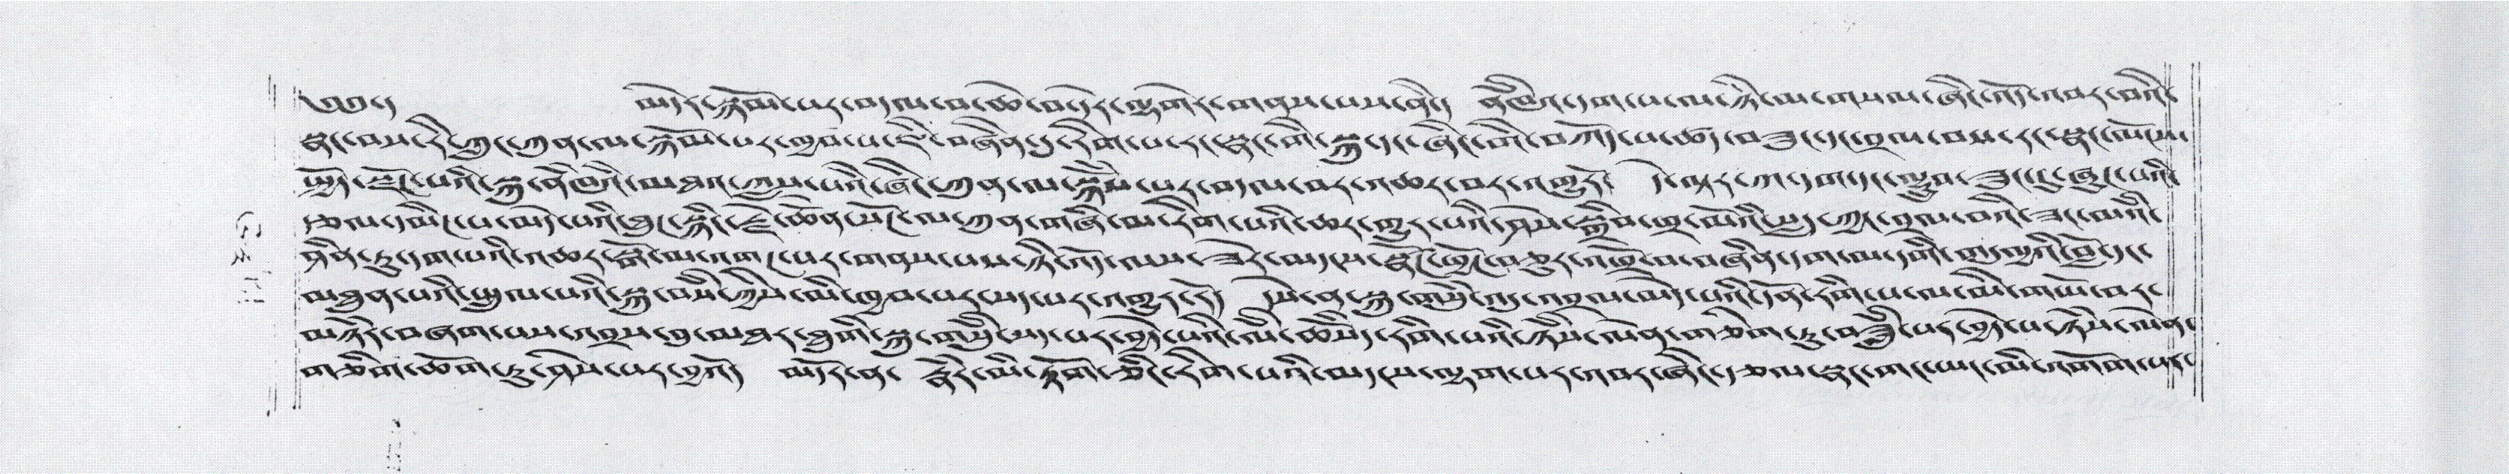མེད་པར་སྙོམས་པར་བདལ་པ་ཆེ་བ་དེར་ལྷག་གེར་གནས་པས་ནི། ནམ་མཁའ་དག་པ་ལ་ཉི་མ་གསལ་ཞིང་འོད་འབར་བའི་
སྣང་བས་རི་ཀླུང་ཀུན་ལ་སྙོམས་པར་ཁྱབ་པ་ཇི་བཞིན་དུ་རིག་པ་རང་སྣང་གི་སྐུ་དང་ཞིང་གི་བཀོད་པ་ཚད་བཟུང་དང་བྲལ་བས་རང་སྣང་ལོངས་
སྤྱོད་རྫོགས་པའི་སྐུ་ནམ་མཁའི་མཐའ་ཀླས་པའི་ཞིང་ཀུན་ལ་སྙོམས་པར་བདལ་བར་འཆར་བར་འགྱུར་རོ། དེ་ལྟར་ཀ་དག་དང་ལྷུན་གྲུབ་ཟུང་དུ་ཞུགས་པའི་
རྩལ་དམིགས་པ་མེད་པའི་ཐུགས་སྙིང་རྗེ་ཆེན་པོ་སོགས་ལ་ཀུན་ལ་མ་རིག་པའི་ཆར་གྱུར་པའི་ཤེས་སྒྲིབ་ཕྲ་མོའི་སླད་ཀྱང་བྲལ་བའི་ཟང་མའི་
ཤིན་ཏུ་དག་པའི་འཆར་སྒོ་མ་འགག་པར་གནས་པས་ཉི་འོད་ལས་ཟེར་མདངས་སྣ་ཚོགས་ཕྱོགས་བཅུར་འཕྲོ་བ་བཞིན་དག་མ་དག་གི་གདུལ་བྱའི་བློ་དང་
མཐུན་པའི་སྤྲུལ་པའི་སྐུ་བསམ་གྱིས་མི་ཁྱབ་པར་སད་པར་འགྱུར་རོ། དེས་ན་སྐུ་གསུམ་འདུ་འབྲལ་མེད་པའི་དོན་རིག་པ་ལ་མི་གཡོ་བར་
མཉམ་པར་བཞག་པས་འབྲས་བུ་མཐར་ཐུག་གི་སྐུ་གསུམ་སད་པར་བྱེད་པའི་ལམ་ཆོས་ཉིད་རིག་པའི་ཉམས་ལེན་གཅིག་ཏུ་ཟླུམ་པར་བྱེད་པ་ཉམས་ལེན་
གཅིག་ཆོག་ཏུ་ཤེས་པར་བྱའོ། མདོར་ན་རྣམ་པར་མི་རྟོག་ཅིང་རིག་པའི་མདངས་ལྷག་པར་འབར་ཞིང་རྩལ་སྣང་གང་ཡང་མི་འགོག་པར་